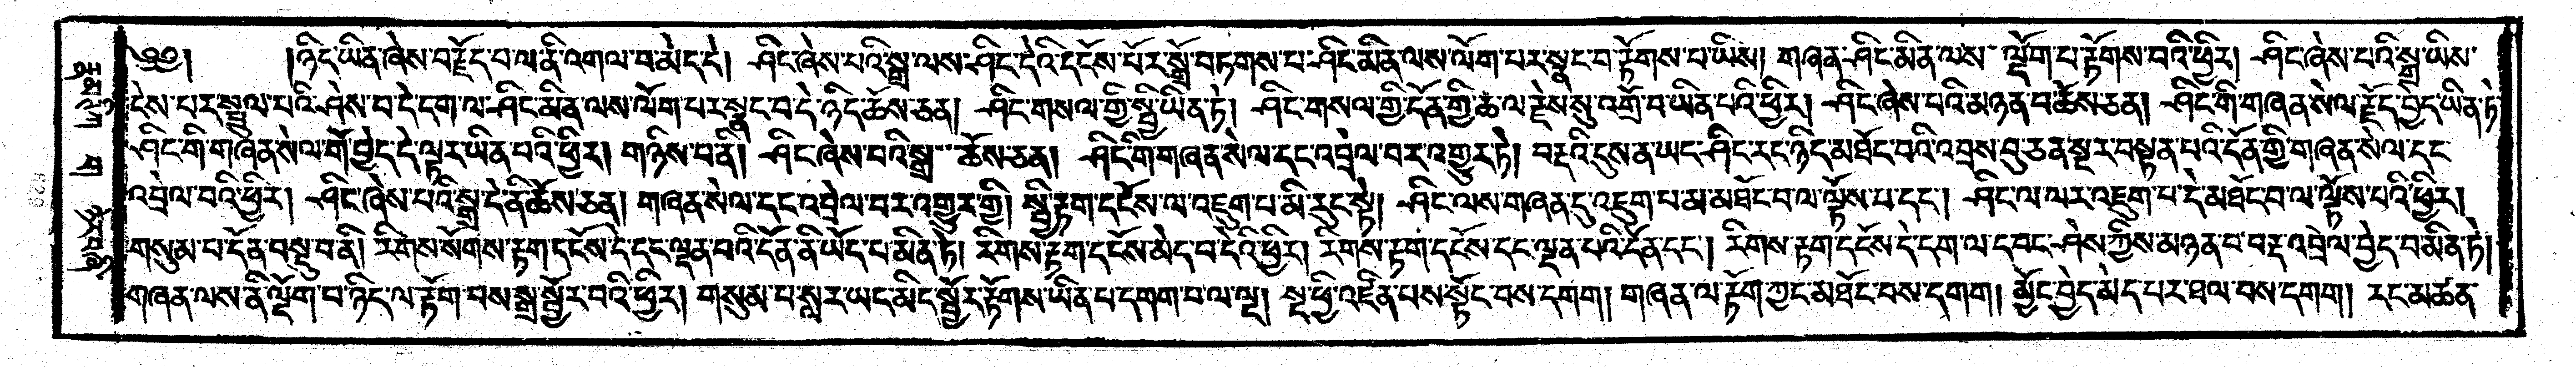༄༅། །ཉིད་ཡིན་ཞེས་བརྗོད་བ་ལ་ནི་འགལ་བ་མེད་དེ། ཤིང་ཞེས་པའི་སྒྲ་ལས་ཤིང་དེའི་དངོས་པོར་སྒྲོ་བཏགས་པ་ཤིང་མིན་ལས་ལོག་པར་སྣང་བ་རྟོགས་པ་ཡིས། གཞན་ཤིང་མིན་ལས་ལྡོག་པ་རྟོགས་པའི་ཕྱིར། ཤིང་ཞེས་པའི་སྒྲ་ཡིས་
ངེས་པར་སྤྲུལ་པའི་ཤེས་བ་དེ་དག་ལ་ཤིང་མིན་ལས་ལོག་པར་སྣང་བ་དེ་ཉིད་ཆོས་ཅན། ཤིང་གསལ་གྱི་སྤྱི་ཡིན་ཏེ། ཤིང་གསལ་གྱི་དོན་གྱི་ཆ་ལ་རྗེས་སུ་འགྲོ་བ་ཡིན་པའི་ཕྱིར། ཤིང་ཞེས་པའི་མཉན་བ་ཆོས་ཅན། ཤིང་གི་གཞན་སེལ་རྗོད་བྱེད་ཡིན་ཏེ་
ཤིང་གི་གཞན་སེལ་གོ་བྱེད་དེ་ལྟར་ཡིན་པའི་ཕྱིར། གཉིས་བ་ནི། ཤིང་ཞེས་བའི་སྒྲ་ཆོས་ཅན། ཤིང་གི་གཞན་སེལ་དང་འབྲེལ་བར་འགྱུར་ཏེ། བརྡའི་དུས་ན་ཡང་ཤིང་རང་ཉིད་མཐོང་བའི་འབྲས་བུ་ཅན་སྔར་བསྟན་པའི་དོན་གྱི་གཞན་སེལ་དང་
འབྲེལ་བའི་ཕྱིར། ཤིང་ཞེས་པའི་སྒྲ་དེ་ནི་ཆོས་ཅན། གཞན་སེལ་དང་འབྲེལ་བར་འགྱུར་གྱི། སྦྱི་རྟག་དངོས་ལ་འཇུག་པ་མི་རུང་སྟེ། ཤིང་ལས་གཞན་དུ་འཇུག་པ་མ་མཐོང་བ་ལ་ལྟོས་པ་དང་། ཤིང་ལ་ལར་འཇུག་པ་དེ་མཐོང་བ་ལ་ལྟོས་པའི་ཕྱིར།
གསུམ་པ་དོན་བསྡུ་བ་ནི། རིགས་སོགས་རྟག་དངོས་དེ་དང་ལྡན་པའི་དོན་ནི་ཡོད་པ་མིན་ཏེ། རིགས་རྟག་དངོས་མེད་བ་དེའི་ཕྱིར། རིགས་རྟག་དངོས་དང་ལྡན་པའི་དོན་དང་། རིགས་རྟག་དངོས་དེ་དག་ལ་དབང་ཤེས་ཀྱིས་མཉན་བ་བརྡ་འབྲེལ་བྱེད་བ་མིན་ཏེ།
གཞན་ལས་ནི་ལྡོག་བ་ཉིད་ལ་རྟོག་བས་སྒྲ་སྦྱོར་བའི་ཕྱིར། གསུམ་པ་སླར་ཡང་མིད་སྦྱོར་རྟོགས་ཡིན་པ་དགག་པ་ལ་ལྔ། སྔ་ཕྱི་འཛིན་པས་སྟོང་བས་དགག། གཞན་ལ་རྟོག་ཀྱང་མཐོང་བས་དགག། མྱོང་བྱེད་མེད་པར་ཐལ་བས་དགག། རང་མཚན་